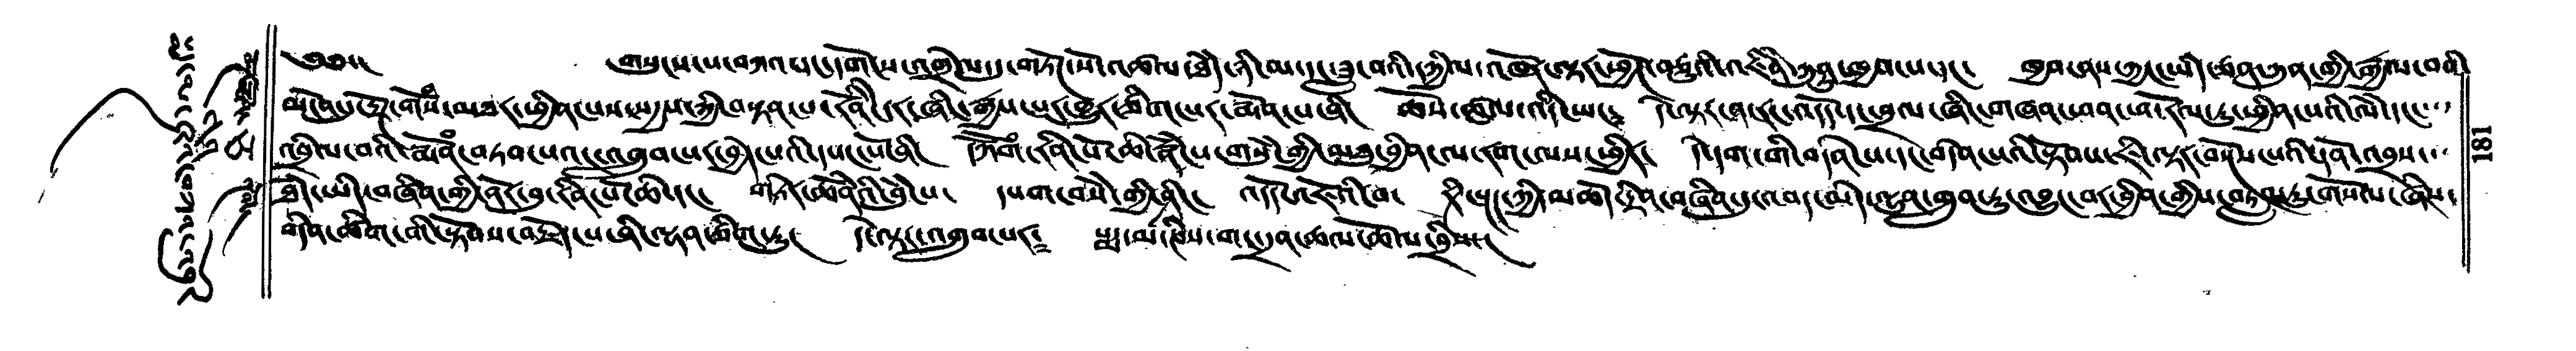གསུངས་པ་བཀའ་དང་དགོངས་འགྲེལ་དུ་གཏོགས་སོ་འཚལ་ཐམས་ཅད་ཉི་མ་དང་ཟླ་བའི་དཀྱིལ་འཁོར་ལྟར་ཕྱོགས་བཅུའི་འཇིག་རྟེན་ཀུན་ཏུ་ཁྱབ་པ་དང་། ཁྱབ་ནས་ཀྱང་ཡིད་ཅན་ཀུན་གྱིས་རྒྱལ་བའི་
མངོན་དུ་རྟོགས་གོམས་མཐར་ཕྱིན་པས་སངས་རྒྱས་ཀྱི་བསྟན་པ་རིན་པོ་ཆེ་དར་ཞིང་རྒྱས་པར་རྒྱུར་ཅིག་པར་སྨོན་པ་ནི། ཆོས་ཚུལ་འདི་ཡང༴ དེ་ལྟར་ན་རང་འདོད་དང་བྲལ་ཞིང་གཞན་ཕན་ཕ་རོལ་ཏུ་ཕྱིན་པའི་ལམ་དང་
འབྲེལ་བའི་སྨོན་ལམ་བཏབ་པའང་འགྲུབ་པར་བྱེད་པའི་དཔང་པོ་ནི། དཀོན་མཆོག་རིན་པོ་ཆེ་རྣམ་པ་གསུམ་གྱི་མཐུ་བྱིན་ལ་རག་ལས་ཕྱིར། དེ་དག་གི་བདེན་པ་དང་བདེན་པའི་སྟོབས་ཇི་ལྟར་བསྔོས་པའི་དོན་འབྲས་
ཐམས་ཅད་ཡིད་བཞིན་གྱི་ནོར་བུ་རིན་པོ་ཆེ་དང་། གཏེར་ཆེན་པོའི་བུམ་པ།དཔག་བསམ་གྱི་ཤིང་། འདོད་འཇོའི་བ། རིགས་སྔགས་ཀྱི་མཆོད་རྟེན་བཞིན་དུ་འབད་མེད་ལྷུན་གྲུབ་ཏུ་འབྱུང་བར་བྱིན་གྱི་བརླབ་ཏུ་གསོལ་ཞེས་
བདེན་ཚིག་གི་སྟོབས་བརྗོད་པ་དང་ལྷན་ཅིག་ཏུ། དེ་ལྟར་འགྲུབ་པར༴ པདྨ་མ་ཎིས་གང་དྲན་འཆལ་འཆོལ་དུ་བྲིས།། དགེའོ།།